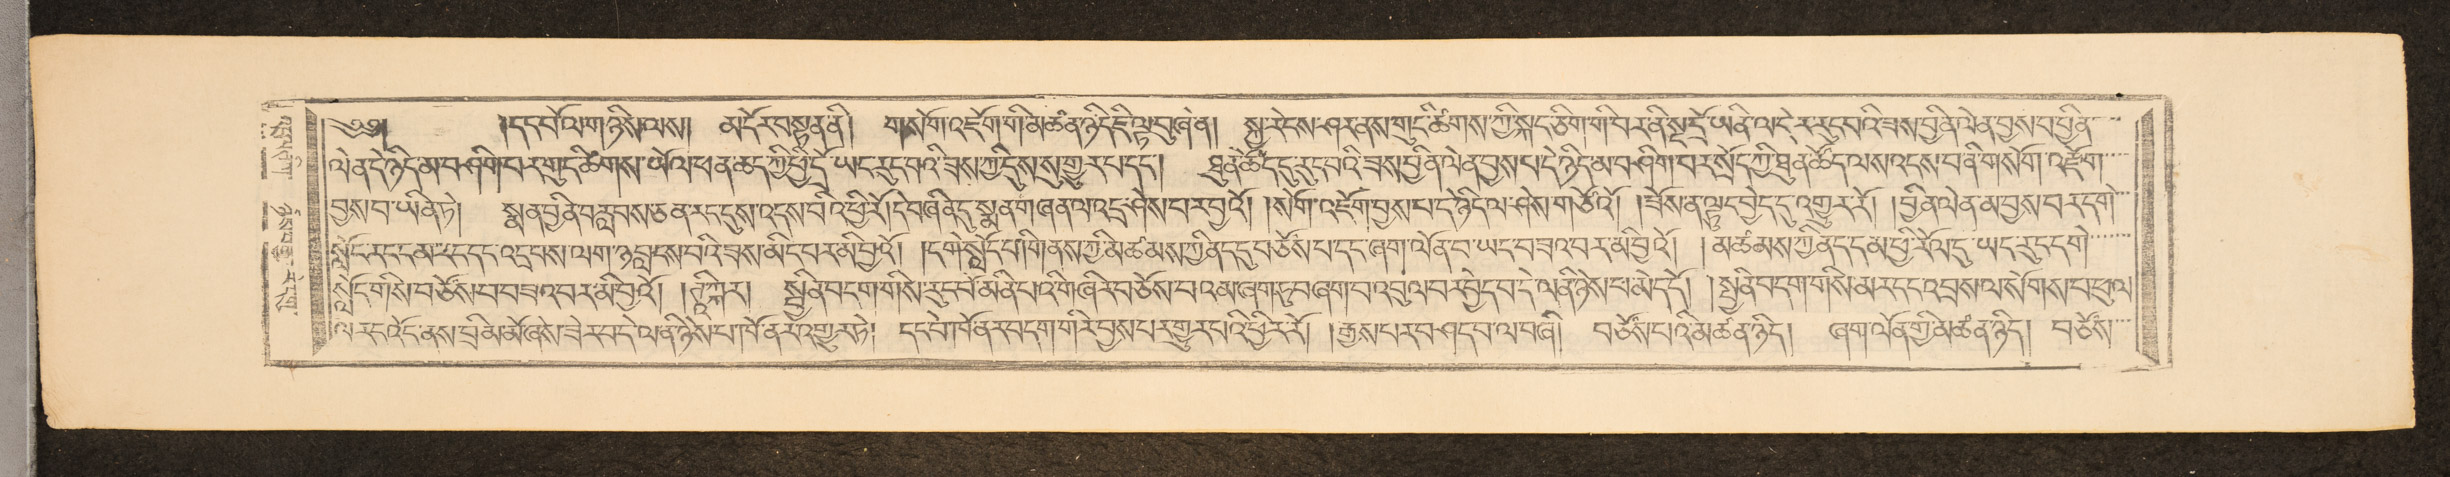༄༅། །དང་པོ་ལ་གཉིས་ལས། མདོར་བསྟན་ནི། གསོག་འཇོག་གི་མཚན་ཉིད་ཇི་ལྟ་བུ་ཞེན། སྐྱ་རེངས་ཤར་ནས་གུང་ཚིགས་ཀྱི་སྐད་ཅིག་གི་བར་ནི་སྔ་དྲོ་ཡིན་ལ་དེར་རུང་བའི་ཟས་བྱིན་ལེན་བྱས་པ་བྱིན་
ལེན་དེ་ཉིད་མ་བཤིག་པར་གུང་ཚིགས་ཡོལ་ཕན་ཆད་ཀྱི་ཕྱི་དྲོ་ཡང་རུང་བའི་ཟས་ཀྱི་དུས་སུ་གྱུར་པ་དང་། ཐུན་ཚོད་དུ་རུང་བའི་ཟས་བྱིན་ལེན་བྱས་པ་དེ་ཉིད་མ་བཤིག་པར་སྲོད་ཀྱི་ཐུན་ཚོད་ལས་འདས་པ་ནི་གསོག་འཇོག་
བྱས་པ་ཡིན་ཏེ། སྨན་བྱིན་བརླབས་ཅན་རང་དུས་འདས་པའི་ཕྱིརོ། དེ་བཞིན་དུ་སྨན་གཞན་ལའང་ཤེས་པར་བྱའོ། །སོག་འཇོག་བྱས་པ་དེ་ཉིད་ལ་ཤེས་གཙོའོ། །ཟོས་ན་ལྟུང་བྱེད་དུ་འགྱུར་རོ། །བྱིན་ལེན་མ་བྱས་པར་དགེ་
སློང་རང་དམ་རང་དང་འདྲ་བས་ལག་ཉ་བླངས་པའི་ཟས་མིང་པར་མི་བྱའོ། །དགེ་སློང་གི་གནས་ཀྱི་མཚམས་ཀྱི་ནད་དུ་བཙོས་པ་དང་ཞག་ལོན་པ་ཡང་བཟའ་བར་མི་བྱའོ། །མཚམས་ཀྱི་ནད་དམ་ཕྱི་རོལ་དུ་ཡང་རུང་དགེ་
སློང་གིས་བཙོས་པ་བཟའ་བར་མི་བྱའོ། །ཊཱིཀྐར། སྦྱིན་བདག་གིས་རུང་བ་མིན་པའི་གཞིར་བཙོས་བའམ་ཞག་ཏུ་བཞག་པ་འབུལ་བར་བྱེད་པ་དེ་ལ་ནི་ཉེས་པ་མེད་དོ། །སྦྱིན་བདག་གིས་མར་དང་འབྲས་ལ་སོགས་པ་ཕུལ་
ལ་རང་འོང་ནས་བྲི་མ་མོ་ཞེས་ཟེར་བ་དེ་ལ་ནི་ཉེས་པ་ཁོ་ནར་འགྱུར་ཏེ། དང་པོ་ཁོ་ནར་བདག་གིར་བྱས་པར་གྱུར་པའི་ཕྱིར་རོ། །རྒྱས་པར་བཤད་པ་ལ་བཞི། བཙོས་པའི་མཚན་ཉིད། ཞག་ལོན་གྱི་མཚན་ཉིད། བཙོས་